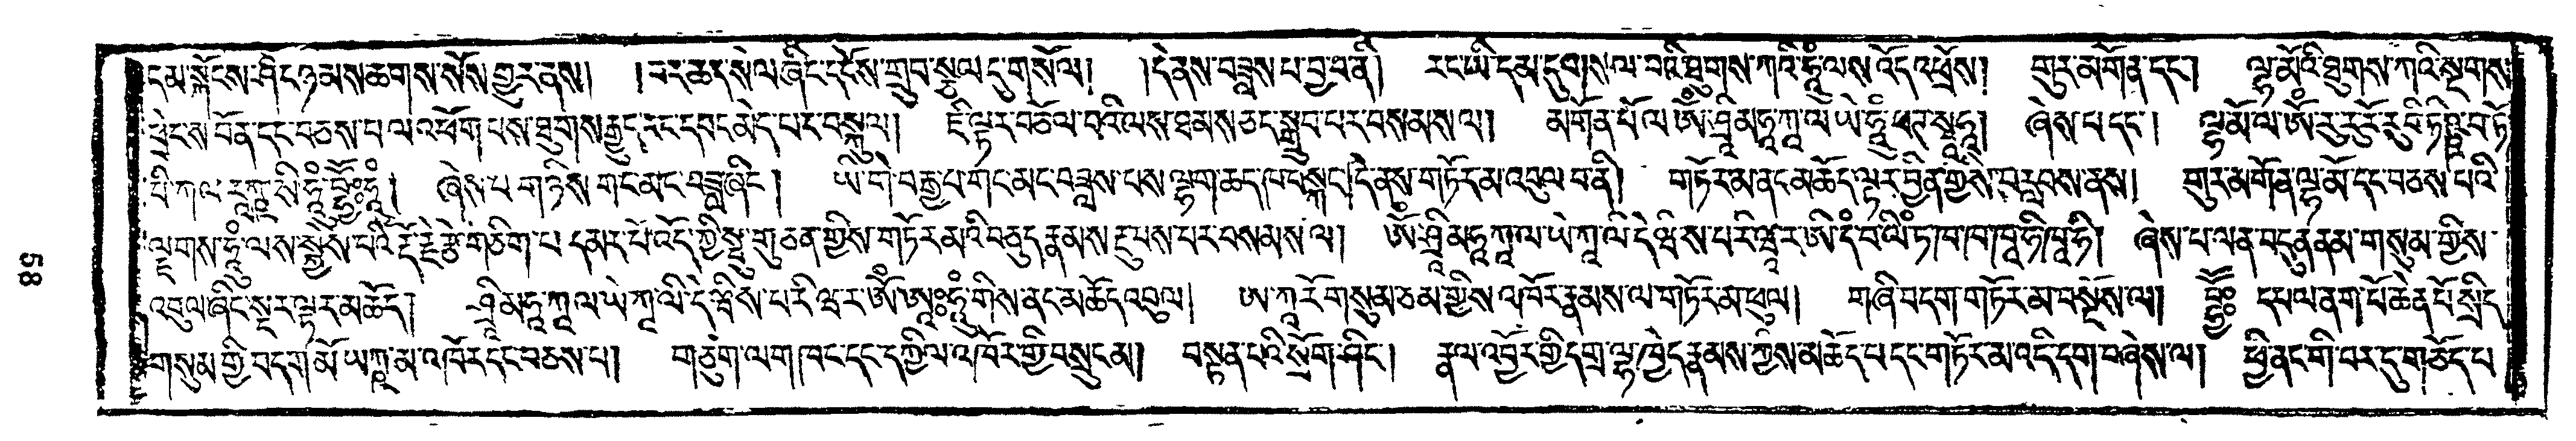དམ་སྐོངས་ཤིང་ཉམས་ཆགས་སོས་གྱུར་ནས། །བར་ཆད་སེལ་ཞིང་དངོས་གྲུབ་སྩལ་དུ་གསོལ། །དེ་ནས་བཟླས་པ་བྱ་བ་ནི། རང་ཡི་དམ་དུ་གསལ་བའི་ཐུགས་ཀའི་ཧཱུཾ་ལས་འོད་འཕྲོས། གུར་མགོན་དང་། ལྷ་མོའི་ཐུགས་ཀའི་སྔགས་
ཕྲེང་ས་བོན་དང་བཅས་པ་ལ་འཕོག་པས་ཐུགས་རྒྱུད་རང་དབང་མེད་པར་བསྐུལ། ཇི་ལྟར་བཅོལ་བའི་ལས་ཐམས་ཅད་སྒྲུབ་པར་བསམས་ལ། མགོན་པོ་ལ་ཨོཾ་ཤྲཱི་མཧཱ་ཀཱ་ལ་ཡེ་ཧཱུཾ་ཕཊ་སྭཱཧཱ། ཞེས་པ་དང་། ལྷ་མོ་ལ་ཨོཾ་རུ་རུ་རོ་རུ་བི་ཏིཥྵ་བ་ཏོ་
པི་ཀ་ལ་རཱཀྵ་སི་ཧཱུཾ་བྷྱཽཿ ཧཱུཾ། ཞེས་པ་གཉིས་གང་མང་བཟླ་ཞིང་། ཡི་གེ་བརྒྱ་པ་གང་མང་བཟླས་པས་ལྷག་ཆད་ཁ་བསྐང་། དེ་ནས་གཏོར་མ་འབུལ་བ་ནི། གཏོར་མ་ནང་མཆོད་ལྟར་བྱིན་གྱིས་བརླབས་ནས། གུར་མགོན་ལྷ་མོ་དང་བཅས་པའི་
ལྗགས་ཧཱུཾ་ལས་སྐྱེས་པའི་རྡོ་རྗེ་རྩེ་གཅིག་པ་དམར་པོ་འོད་ཀྱི་སྦུ་གུ་ཅན་གྱིས་གཏོར་མའི་བཅུད་རྣམས་རྡུ་བས་པར་བསམས་ལ། ཨོཾ་ཤྲཱི་མཧཱ་ཀཱ་ལ་ཡེ་ཀཱ་ལི་དེ་ལྦི་ས་པ་རི་ལྦཱ་ར་ཨི་དཾ་བ་ལིཾ་ཏ་ཁ་ཁ་ཁཱ་ཧི་ཁཱ་ཧི། ཞེས་པ་ལན་བདུན་ནམ་གསུམ་གྱིས་
འབུལ་ཞིང་སྔར་ལྟར་མཆོད། ཤྲཱི་མཧཱ་ཀཱ་ལ་ཡེ་ཀཱ་ལི་དེ་ཝིས་པ་རི་ཝ་ར་ཨོཾ་ཨཱཿ ཧཱུཾ་གིས་ནང་མཆོད་འབུལ། ཨ་ཀཱ་རོ་གསུམ་ཅམ་གྱིས་འཁོར་རྣམས་ལ་གཏོར་མ་ཕུལ། གཞི་བདག་གཏོར་མ་བསྔོས་ལ། བྷྱཽཿ དཔལ་ནག་པོ་ཆེན་པོ་སྲིད་
གསུམ་གྱི་བདག་མོ་ཡཀྵ་མ་འཁོར་དང་བཅས་པ། གཙུག་ལག་ཁང་དང་དཀྱིལ་འཁོར་གྱི་བསྲུང་མ། བསྟན་པའི་སྲོག་ཤིང་། རྣལ་འབྱོར་གྱི་དགྲ་ལྷ་ཁྱེད་རྣམས་ཀྱིས་མཆོད་པ་དང་གཏོར་མ་འདི་དག་བཞེས་ལ། ཕྱི་ནང་གི་བར་དུ་གཅོད་པ་